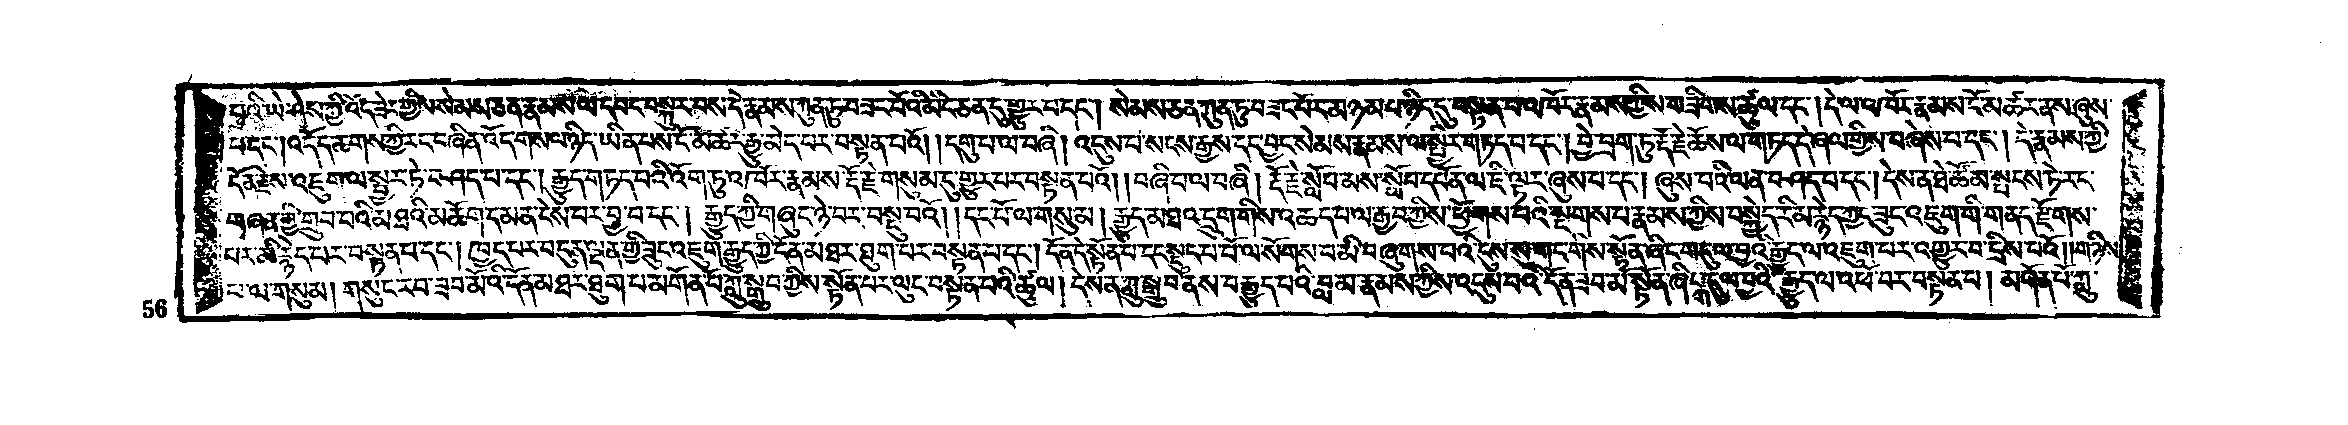པའི་ཡེ་ཤེས་ཀྱི་འོད་ཟེར་གྱིས་སེམས་ཅན་རྣམས་ལ་དབང་བསྐུར་བས་དེ་རྣམས་ཀུན་ཏུ་བཟང་པོའི་མིང་ཅན་དུ་གྱུར་པ་དང་། སེམས་ཅན་ཀུན་ཏུ་བཟང་པོར་མཉམ་པ་ཉིད་དུ་བསྟན་པ་འཁོར་རྣམས་ཀྱིས་གཟིགས་ཚུལ་དང་། དེ་ལ་འཁོར་རྣམས་ངོ་མཚར་ནས་ཞུས་
པ་དང་། འདོད་ཆགས་ཀྱི་རང་བཞིན་འོད་གསལ་ཉིད་ཡིན་པས་ངོ་མཚར་རྒྱུ་མེད་པར་བསྟན་པའོ། །དགུ་པ་ལ་བཞི། འདུས་པ་སངས་རྒྱས་དང་བྱང་སེམས་རྣམས་ལ་སྤྱིར་གཏད་པ་དང་། བྱེ་བྲག་ཏུ་རྡོ་རྗེ་ཆོས་ལ་གཏད་དེ་ཞལ་གྱིས་བཞེས་པ་དང་། དེ་རྣམས་ཀྱི་
དོན་རྗེས་འཇུག་ལ་སྦྱར་ཏེ་བཤད་པ་དང་། རྒྱུད་གཏད་པའི་འོག་ཏུ་འཁོར་རྣམས་རྡོ་རྗེ་གསུམ་དུ་གྱུར་པར་བསྟན་པའོ། །བཞི་པ་ལ་བཞི། རྡོ་རྗེ་སློབ་མས་སློབ་དཔོན་ལ་ཇི་ལྟར་ཞུས་པ་དང་། ཞུས་པའི་ལན་བཤད་པ་དང་། དེས་ན་ཐེ་ཚོམ་སྤངས་ཏེ་རང་
གཞན་གྱི་གྲུབ་པའི་མཐའི་མཆོག་དམན་ངེས་པར་བྱ་བ་དང་། རྒྱུད་ཀྱི་གཞུང་ཉེ་བར་བསྡུ་བའོ། །དང་པོ་ལ་གསུམ། རྒྱུད་མཐའ་དྲུག་གིས་འཆད་པ་ལ་རྒྱབ་ཀྱིས་ཕྱོགས་པའི་སྔགས་པ་རྣམས་ཀྱིས་བསྐྱེད་རིམ་རྙེད་ཀྱང་ཟུང་འཇུག་གི་གནད་རྫོགས་
པར་མི་རྙེད་པར་བསྟན་པ་དང་། ཁྱད་པར་བདུན་ལྡན་གྱི་ཟུང་འཇུག་རྒྱུད་ཀྱི་དོན་མཐར་ཐུག་པར་བསྟན་པ་དང་། དོན་དེ་སྟོན་པ་དང་སྡུད་པ་པོ་ལ་སོགས་པ་མི་བཞུགས་པའི་དུས་སུ་གང་གིས་སྟོན་ཞིང་གདུལ་བྱའི་རྒྱུད་ལ་འཇུག་པར་འགྱུར་བ་དྲིས་པའོ། །གཉིས་
པ་ལ་གསུམ། གསུང་རབ་ཟབ་མོའི་དོན་མཐར་ཐུག་པ་མགོན་པོ་ཀླུ་སྒྲུབ་ཀྱིས་སྟོན་པར་ལུང་བསྟན་པའི་ཚུལ། དེས་ན་ཀླུ་སྒྲུབ་ནས་བརྒྱུད་པའི་བླ་མ་རྣམས་ཀྱིས་འདུས་པའི་དོན་ཟབ་མོ་སྟོན་ཞིང་གདུལ་བྱའི་རྒྱུད་ལ་འཕོ་བར་བསྟན་པ། མགོན་པོ་ཀླུ་